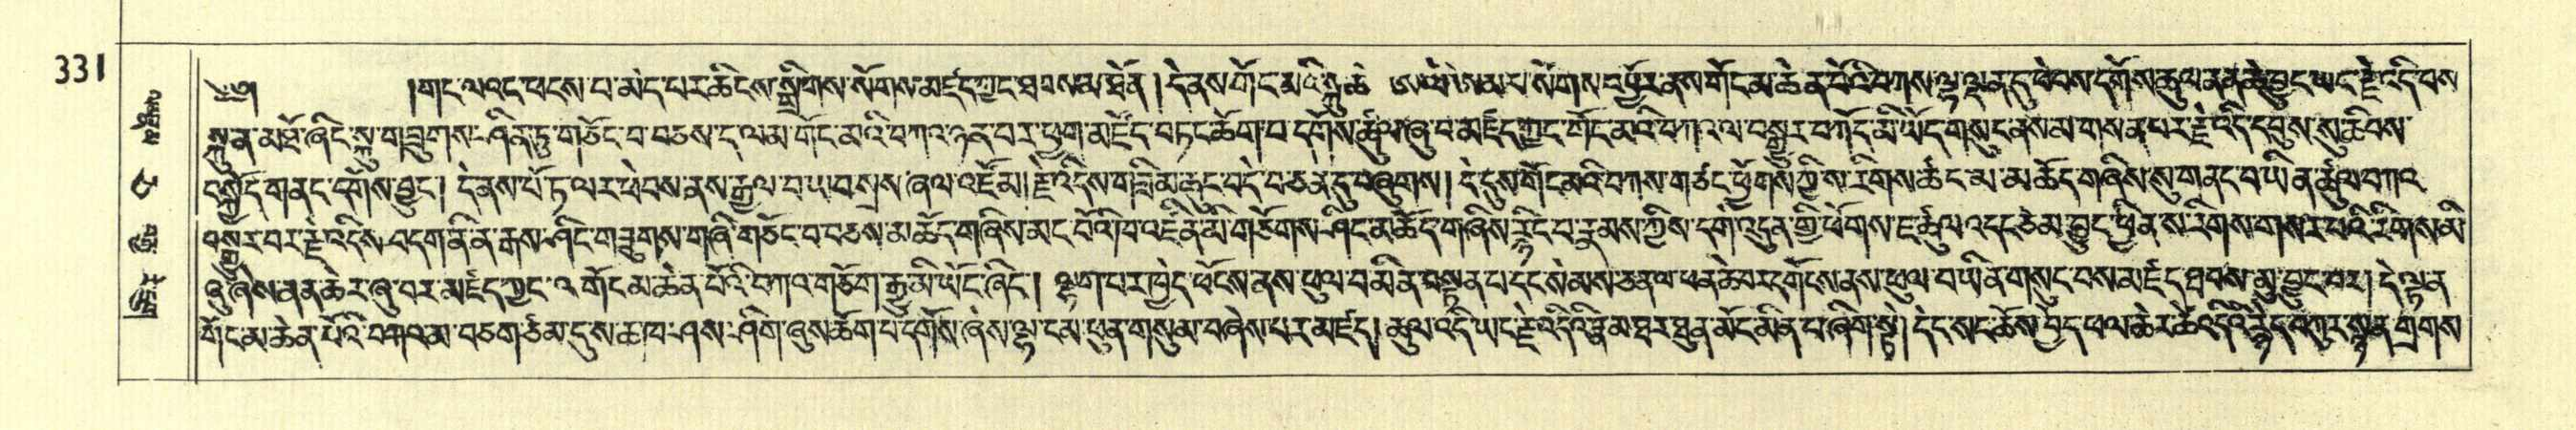༄༅། །གང་ལའང་ཕངས་པ་མེད་པར་ཆིངས་སྒྲིགས་སོགས་མཛད་ཀྱང་ཐབས་མཐོན། དེ་ནས་གོང་མའི་སྐུ་ཆེ་ཨ་ལི་ཨམ་པ་སོགས་འབྱོར་ནས་གོང་མ་ཆེན་པོའི་བཀས་ལྷ་ལྡན་དུ་ཕེབས་དོགས་ཆུལ་ནན་ཆེ་བྱུང་ཡང་རྗེ་འདི་བས་
སྐུ་ན་མཐོ་ཞིང་སྐུ་གཟུགས་ཤིན་ཏུ་གཅོང་བ་བཅས་ད་ལམ་གོང་མའི་བཀའ་ཉན་པར་ཕྱག་མཛོད་བཏང་ཆོག་བ་དགོས་ཚུལ་ཞུ་བ་མཛད་ཀྱང་གོང་མའི་བཀའ་ལ་བསྒྱུར་བཀོད་མི་ཡོད་གསུང་ནས་མ་གསན་པར་རྗེ་འདི་དཔུས་སུ་ཆིབས་
བསྐྱོད་གནང་དགོས་བྱུང་། དེ་ནས་པོ་ཏ་ལར་ཕེབས་ནས་རྒྱལ་བ་ཡབ་སྲས་ཞལ་འཛོམ། །རྗེ་འདིས་གཟིམ་ཆུང་བདེ་བ་ཅན་དུ་བཞུགས། དེ་དུས་གོང་མའི་བཀས་གཙང་ཕྱོགས་ཀྱི་ས་རིགས་ཚང་མ་མཆོད་གཞིས་སུ་གནང་བ་ཡིན་ཚུལ་བཀའ་
བསྒྱུར་བར་རྗེ་འདིས་བདག་ནི་ན་རྒས་ཤིང་གཟུགས་གཞི་གཅོང་བ་བཅས་མཆོད་གཞིས་མང་བོའི་ཁ་འཛིན་མི་གཅོགས་ཤིང་མཆོད་གཞིས་རྙིང་པ་རྣམས་ཀྱིས་དགེ་འདུན་གྱི་ཕོགས་ཇ་ཚུལ་འདང་ཙམ་བྱུང་ཕྱིན་ས་རིགས་གསར་པའི་རིགས་མི་
ཞུ་ཞེས་ནན་ཆེར་ཞུ་བར་མཛད་ཀྱང་འགོང་མ་ཆེན་པོའི་བཀའ་གཅོག་རྒྱུ་མི་ཡོང་ཞིང་། ལྷག་པར་ཁྱེད་ཕོངས་ནས་ཕུལ་བ་མིན་བསྟན་པ་དང་སེམས་ཅན་ལ་ཕན་ཆེ་བར་དགོངས་ནས་ཕུལ་བ་ཡིན་གསུང་བས་མཛད་ཐབས་མུ་བྱུང་བར། །དེ་ལྟ་ན་
གོང་མ་ཆེན་པོའི་བཀའ་མ་བཅག་ཙམ་དུ་ས་ཆ་ཁ་ཤས་ཤིག་ཞུས་ཆོག་པ་དགོས་ཞེས་ལྷ་ངམ་ཕུན་གསུམ་བཞེས་པར་མཛད། ཆུལ་འདི་ཡང་རྗེ་འདིའི་རྣམ་ཐར་ཐུན་མོང་མིན་པ་ཞིག་སྟེ། དེང་སང་ཆོས་བྱེད་ཕལ་ཆེར་ཚེ་འདིའི་རྙེད་བཀུར་སྙན་གྲགས་